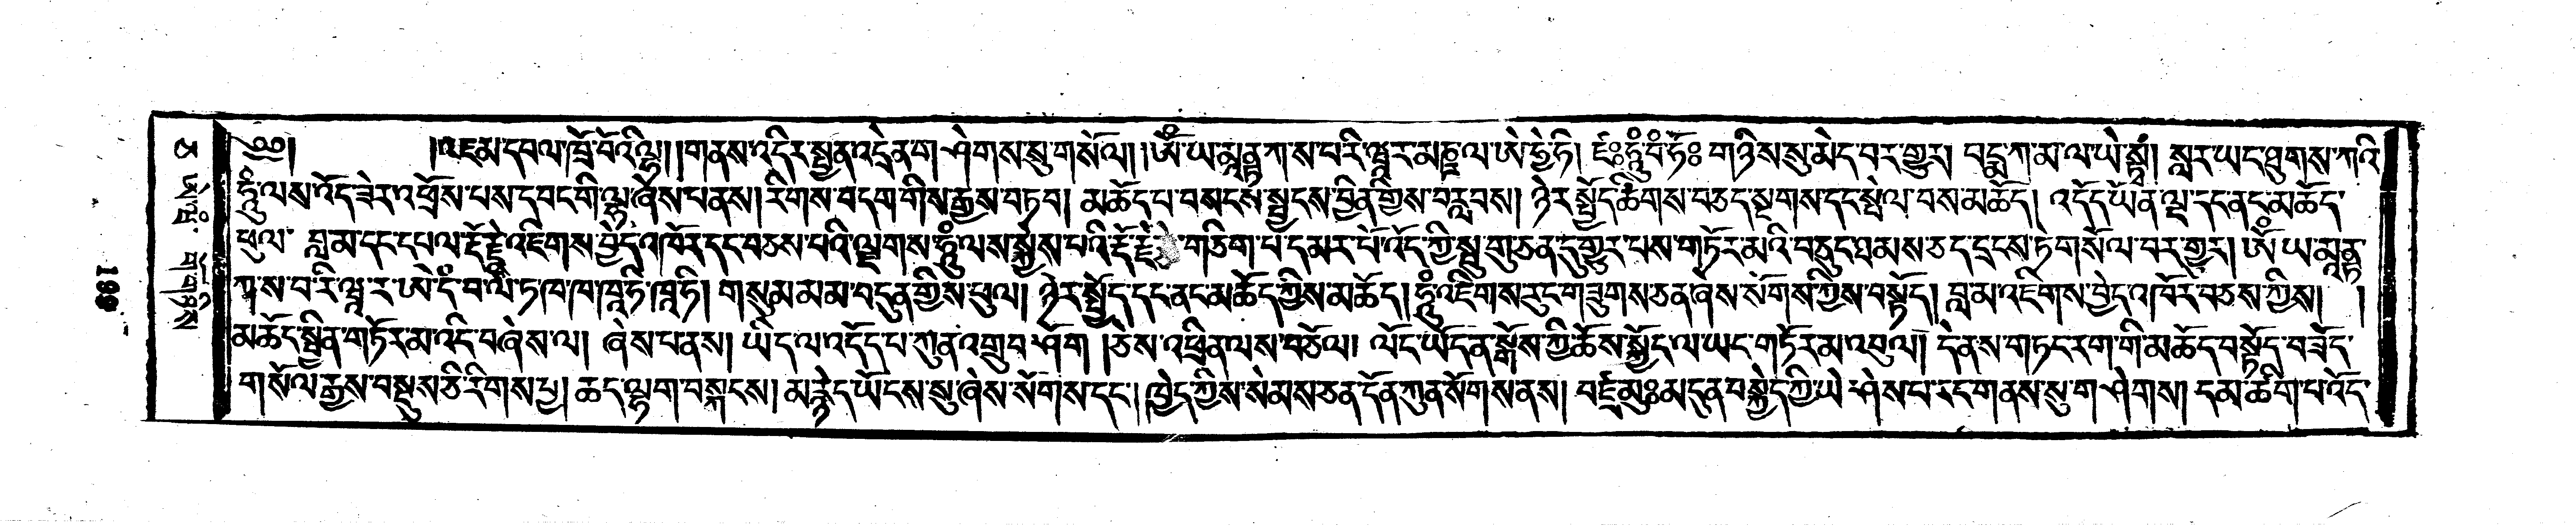༄༅། །འཇམ་དཔལ་ཁྲོ་བོའི་ལྷ། །གནས་འདིར་སྤྱན་འདྲེན་གཤེགས་སུ་གསོལ། །ཨོཾ་ཡ་མཱནྟ་ཀ་ས་པ་རི་ཝཱ་ར་མཎྜལ་ཨེ་ཧྱེ་ཧི། ཛཿ ཧཱུཾ་བཾ་ཧོཿ གཉིས་སུ་མེད་པར་གྱུར། པདམ་ཀ་མ་ལ་ཡེ་སྟྭཾ། སླར་ཡང་ཐུགས་ཀའི་
ཧཱུཾ་ལས་འོད་ཟེར་འཕྲོས་པས་དབང་གི་ལྷ་ཞེས་པ་ནས། རིགས་བདག་གིས་རྒྱས་བཏབ། མཆོད་པ་བསངས་སྦྱངས་བྱིན་གྱིས་བརླབས། ཉེར་སྤྱོད་ཚིགས་བཅད་སྔགས་དང་སྤེལ་བས་མཆོད། འདོད་ཡོན་ལྔ་དང་ནང་མཆོད་
ཕུལ། བླ་མ་དང་དཔལ་རྡོ་རྗེ་འཇིགས་བྱེད་འཁོར་དང་བཅས་པའི་ལྗགས་ཧཱུཾ་ལས་སྐྱེས་པའི་རྡོ་རྗེ་རྩེ་གཅིག་པ་དམར་པོ་འོད་ཀྱི་སྦུ་གུ་ཅན་དུ་གྱུར་པས་གཏོར་མའི་བཅུད་ཐམས་ཅད་དྲངས་ཏེ་གསོལ་བར་གྱུར། ཨོཾ་ཡ་མཱནྟ་
ཀ་ས་པ་རི་ཝཱ་ར་ཨི་དཾ་བ་ལིཾ་ཏ་ཁ་ཁ་ཁཱ་ཧི་ཁཱ་ཧི། གསུམ་མམ་བདུན་གྱིས་ཕུལ། ཉེར་སྤྱོད་དང་ནང་མཆོད་ཀྱིས་མཆོད། ཧཱུཾ་འཇིགས་རུང་གཟུགས་ཅན་ཞེས་སོགས་ཀྱིས་བསྟོད། བླ་མ་འཇིགས་བྱེད་འཁོར་བཅས་ཀྱིས། །
མཆོད་སྦྱིན་གཏོར་མ་འདི་བཞེས་ལ། ཞེས་པ་ནས། ཡིད་ལ་འདོད་པ་ཀུན་འགྲུབ་ཤོག །ཅེས་འཕྲིན་ལས་བཅོལ། ལོང་ཡོད་ན་སྒོས་ཀྱི་ཆོས་སྐྱོང་ལ་ཡང་གཏོར་མ་འབུལ། དེ་ནས་གཏང་རག་གི་མཆོད་བསྟོད་བཟོད་
གསོལ་རྒྱས་བསྡུས་ཅི་རིགས་བྱ། ཆད་ལྷག་བསྐངས། མ་རྙེད་ཡོངས་སུ་ཞེས་སོགས་དང་། ཁྱེད་ཀྱིས་སེམས་ཅན་དོན་ཀུན་སོགས་ནས། བཛྲ་མུཿ མདུན་བསྐྱེད་ཀྱི་ཡེ་ཤེས་པ་རང་གནས་སུ་གཤེགས། དམ་ཚིག་པ་འོད་